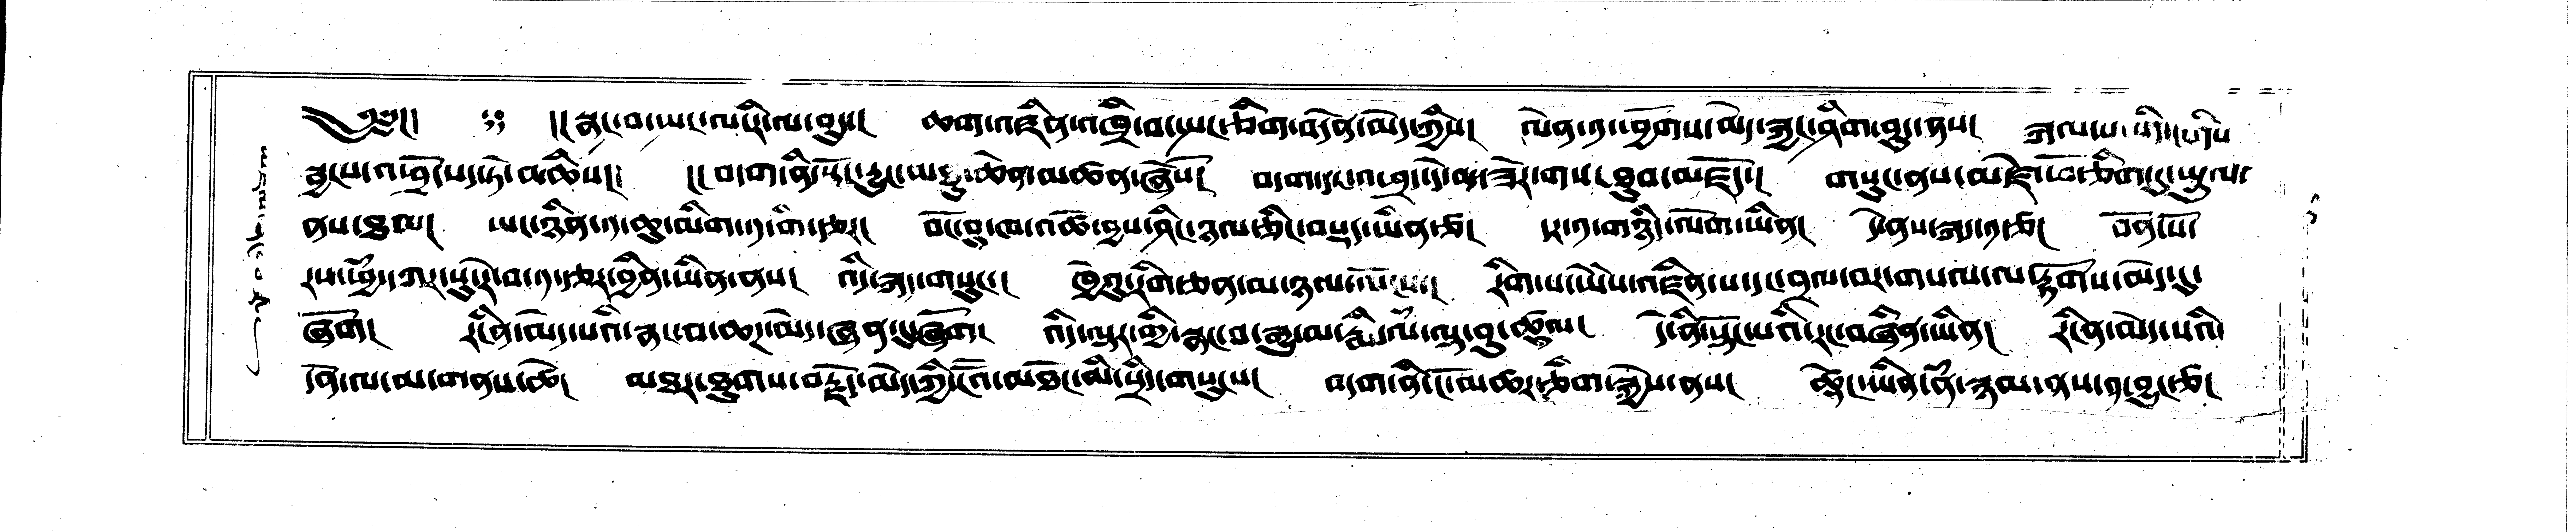སྣང་བ་སྤང་ལ་རི་ལ་བུད། ཆགས་འཛིན་འཁྲི་བ་སྤང་ཅིག་བདེན་མེད་ཀྱིས། ལན་གཅིག་ཕྱོགས་མེད་སྐྱང་ཤིག་བུད་ནས། སྐལ་པ་འདི་དག་གི་
སྦྱངས་འཕྲོ་སད་ཏེ་མཆིས། །།།བདག་ནི་སྟོང་རྒྱུང་མཐུ་ཆེན་མཚན་ཞེས་སོ། བདག་དང་འཕྲད་དེ་མ་ཟེར་གསང་ཐུབ་མཛོད། གསུངས་ནས་མཛེ་ཕོ་ཅིག་ཏུ་སྤྲུལ་
ནས་ཐལ། ཡང་ཉིན་གཅིག་ཆུ་མིག་གཅིག་གི་རྩར། བོང་བུ་ཁ་འཚོ་བྱས་ཤིང་ཉལ་ཅིང་བསྡད་ཡིན་ཙ། དར་གཅིག་གཉིད་ལོག་ཡིན། དེ་ནས་སྐད་གཅིག་ཙ། བོན་པོ་
རས་ཕྱམ་དཀར་སུ་རེ་བ་གཅིག་རྩར་བྱིན་ཡིན་ནས། འདི་སྐད་གསུང་། ཁྱེའུ་རིག་ཅན་མ་ཉལ་ལོངས། རིག་པ་ཡེ་ཤེས་འཛིན་པ་དང་བྲལ་བར་གསལ་ལ་རྟོགས་མེད་དུ་
ཞོག རང་བཞིན་མེད་པའི་སྣང་བ་ཆགས་མེད་ཞན་དུ་ཞོག འདི་ལྟར་གྱི་སྣང་བ་སྒྱུ་མ་རྨི་ལམ་ལྟ་བུ་ཚུལ། དེ་ནི་སྟོང་པའི་རང་བཞིན་ཡིན། རང་བཞིན་མེད་པའི་
དོན་ལ་མ་གནས་ཚེ། མཐར་ཐུགས་བརྗོད་མེད་ཀྱི་ངོ་བོ་མཐོང་མི་སྲིད་གསུངས། བདག་ནི་ངོ་མཚར་ཅིག་སྐྱེས་ནས། ཚེ་དབང་ཡིན་ནམ་སྙམ་ནས་གཅིག་བྱུང་ཙ།